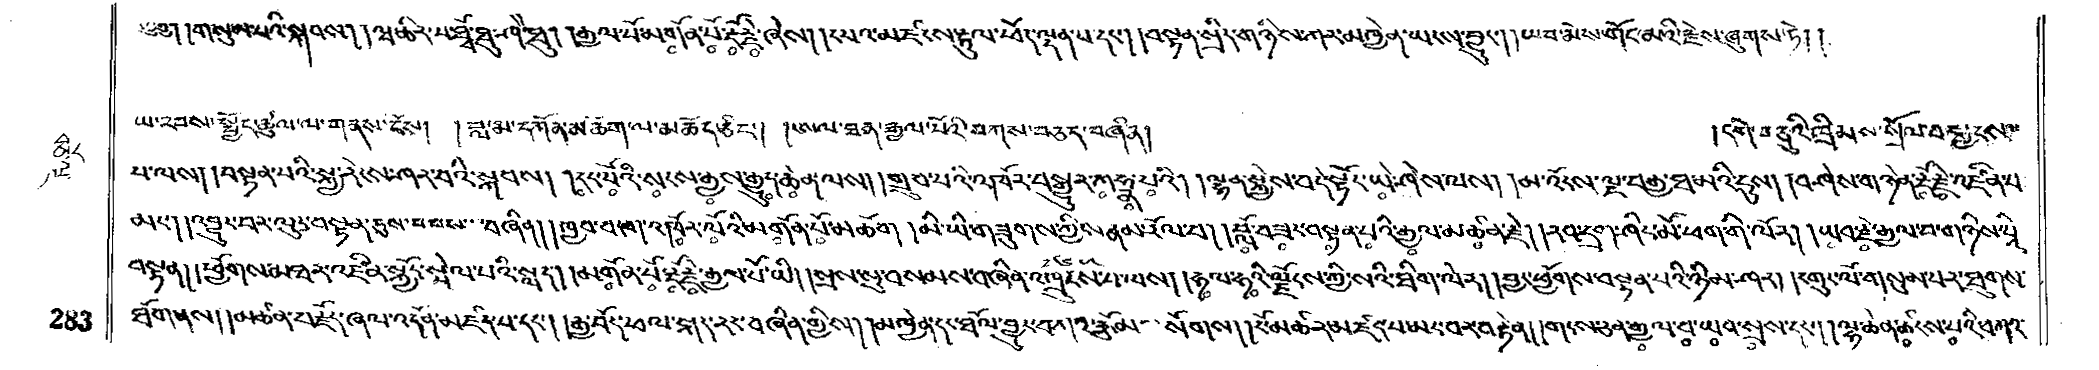༄༅། །གསུམ་པའི་སྐབས། །ཝ་ཆིར་པ་ཐྭོ་ཐུ་ཤཻ་ཐུ། །རྒྱལ་པོ་མགོན་པོ་རྡོ་རྗེ་ཞེས། །དཔའ་མཛངས་རྟུལ་ཕོད་ལྡན་པ་དང་། །བསྟན་སྲིད་གཉིས་ཀར་མཁྱེན་ཡངས་བྱུང་། །ཡབ་མེས་གོང་མའི་རྗེས་ཞུགས་ཏེ། །
ཡ་རབས་སྤྱོད་ཚུལ་ལ་གནས་ངོས། །བླ་མ་དཀོན་མཆོག་ལ་མཆོད་ཅིང་། །ཨལ་ཐན་རྒྱལ་པོའི་བཀས་བཅད་བཞི། །དགེ་བཅུའི་ཁྲིམས་སྲོལ་བསྐྱངས་
པ་ལས། །བསྟན་པའི་སྐྱ་རེངས་ཤར་བའི་སྐབས། །དང་པོའི་སངས་རྒྱས་རྒྱུད་ཆེན་ལས། །གྲུབ་པའི་འཁོར་བསྒྱུར་ཀཧྣ་པའི། །ལྷན་སྐྱེས་བདེ་སྟོང་ཡེ་ཤེས་ལས། །མ་འོངས་ལྔ་བརྒྱ་ཐ་མའི་དུས། །བཤེས་གཉེན་རྡོ་རྗེ་འཛིན་པ་
མང་། །འབྱུང་བར་ལུང་བསྟན་དུས་བབས་བཞིན། །ཁྱབ་བདག་འཁོར་ལོའི་མགོན་པོ་མཆོག །མི་ཡི་གཟུགས་ཀྱིས་རྣམ་རོལ་པ། །བློ་བཟང་བསྟན་པའི་རྒྱལ་མཚན་རྗེ། །རབ་དྲག་ཤིང་མོ་ཕག་གི་ལོར། །ཡབ་རྗེ་རྒྱལ་བ་གཉིས་པཱི་
བསྟན། །ཕྱོགས་མཐར་འཛིན་སྐྱོང་སྤེལ་པའི་སླད། །མགོན་པོ་རྡོ་རྗེ་རྒྱལ་པོ་ཡི། །སྲས་སུ་བསམས་བཞིན་འཁྲུངས་པ་ལས། །ཧལ་ཧའི་ལྗོངས་ཀྱི་སའི་ཐིག་ལེར། །བྱང་ཕྱོགས་བསྟན་པའི་ཉི་མ་ཤར། །དགུང་ལོ་གསུམ་པར་ཐུགས་
ཐོག་ནས། །མཚན་བརྗོད་ཞལ་འདོན་མཛད་པ་དང་། །རྒྱ་བོད་ཕལ་སྐད་རང་བཞིན་གྱིས། །མཁྱེན་དང་ཐོལ་བྱུང་བཀའ་རྩོམ?་སོགས། །ངོ་མཚར་མཛད་པ་མང་བར་བརྟེན། །གངས་ཅན་གྱལ་བ་ཡབ་སྲས་དང་། །ལྷ་ཆེན་ཚངས་པའི་བཀའ་